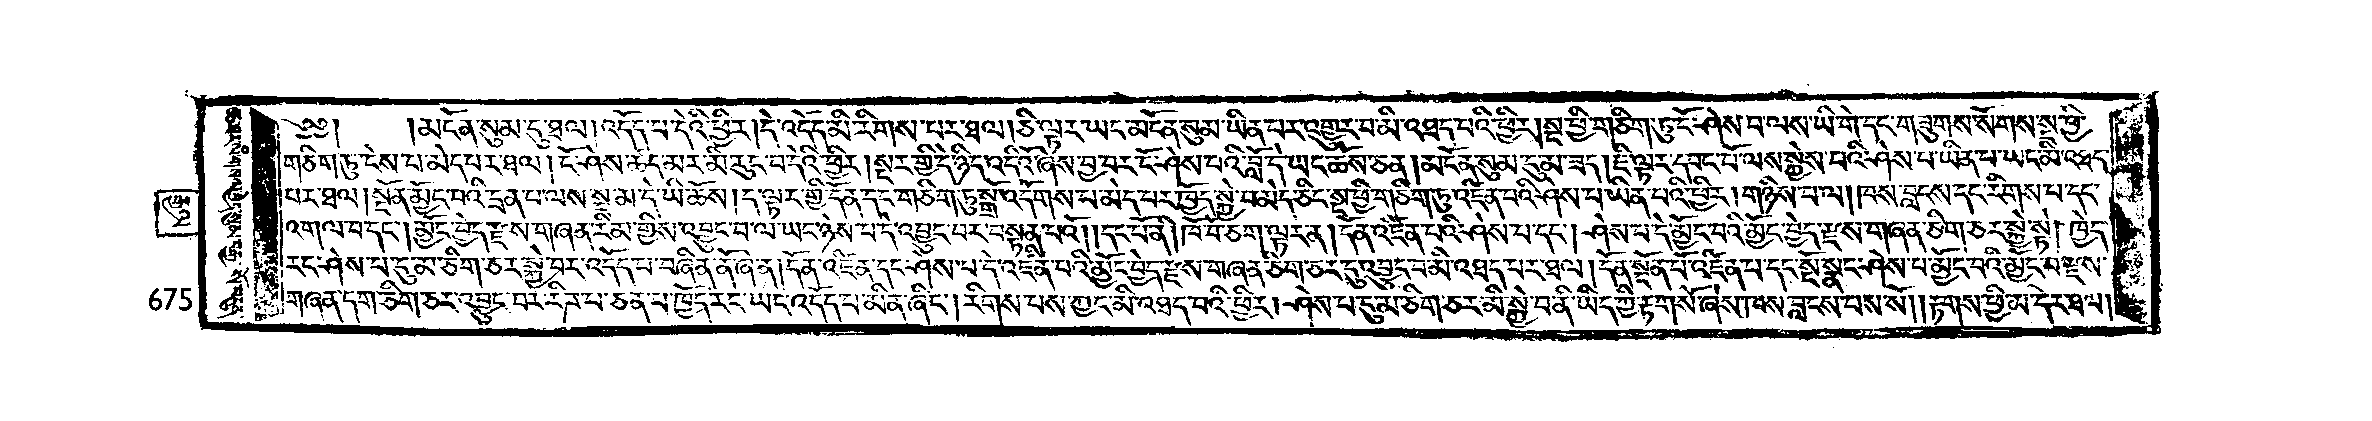༄༅། །མངོན་སུམ་དུ་ཐལ། འདོད་པ་དེའི་ཕྱིར། དེ་འདོད་མི་རིགས་པར་ཐལ། ཅི་ལྟར་ཡང་མངོན་སུམ་ཡིན་པར་འགྱུར་བ་མི་འཐད་པའི་ཕྱིར། སྔ་ཕྱི་གཅིག་ཏུ་ངོ་ཤེས་པ་ལས་ཡི་གེ་དང་གཟུགས་སོགས་སྔ་ཕྱི་
གཅིག་ཏུ་ངེས་པ་མེད་པར་ཐལ། ངོ་ཤེས་ཚད་མར་མི་རུང་བ་དེའི་ཕྱིར། སྔར་གྱི་དེ་ཉིད་འདིའོ་ཞེས་བྱ་བར་ངོ་ཤེས་པའི་བློ་དེ་ཡང་ཆོས་ཅན། མངོན་སུམ་དུ་མ་ཟད། ཇི་ལྟར་དབང་པོ་ལས་སྐྱེས་པའི་ཤེས་པ་ཡིན་པ་ཡང་མི་འཐད་
པར་ཐལ། སྔོན་མྱོང་བའི་དྲན་པ་ལས་སྔ་མ་དེ་ཡི་ཆོས། ད་ལྟར་གྱི་དོན་དང་གཅིག་ཏུ་སྒྲོ་?་འདོགས་པ་མེད་པར་ཁྱོད་སྐྱེ་བ་མེད་ཅིང་སྔ་ཕྱི་གཅིག་ཏུ་འཛིན་པའི་ཤེས་པ་ཡིན་པའི་ཕྱིར། གཉིས་པ་ལ། ཁས་བླངས་དང་རིགས་པ་དང་
འགལ་བ་དང་། མྱོང་བྱེད་རྫས་གཞན་རིམ་གྱིས་འབྱུང་བ་ལ་ཡང་ཉེས་པ་དེ་འབྱུང་བར་བསྟན་པའོ། །དང་པོ་ནི། ཁོ་བོ་ཅག་ལྟར་ན། དོན་འཛིན་པའི་ཤེས་པ་དང་། ཤེས་པ་དེ་མྱོང་བའི་མྱོང་བྱེད་རྫས་གཞན་ཅིག་ཅར་སྐྱེ་སྟེ། ཁྱེད་
རང་ཤེས་པ་དུ་མ་ཅིག་ཅར་སྐྱེ་བར་འདོད་པ་བཞིན་ནོ་ཞེ་ན། དོན་འཛིན་དང་ཤེས་པ་དེ་འཛིན་པའི་མྱོང་བྱེད་རྫས་གཞན་ཅིག་ཅར་དུ་འབྱུང་བ་མི་འཐད་པར་ཐལ། དོན་སྔོན་པོ་འཛིན་པ་དང་སྔོ་སྣང་ཤེས་པ་མྱོང་བའི་མྱོང་བ་རྫས་
གཞན་དག་ཅིག་ཅར་འབྱུང་བར་རིཌ་པ་ཅན་པ་ཁྱོད་རང་ཡང་འདོད་པ་མིན་ཞིང་། རིགས་པས་ཀྱང་མི་འཐད་པའི་ཕྱིར། ཤེས་པ་དུ་མ་ཅིག་ཅར་མི་སྐྱེ་བ་ནི་ཡིད་ཀྱི་རྟགས་སོ་ཞེས་ཁས་བླངས་པས་སོ། །རྟགས་ཕྱི་མ་དེར་ཐལ།